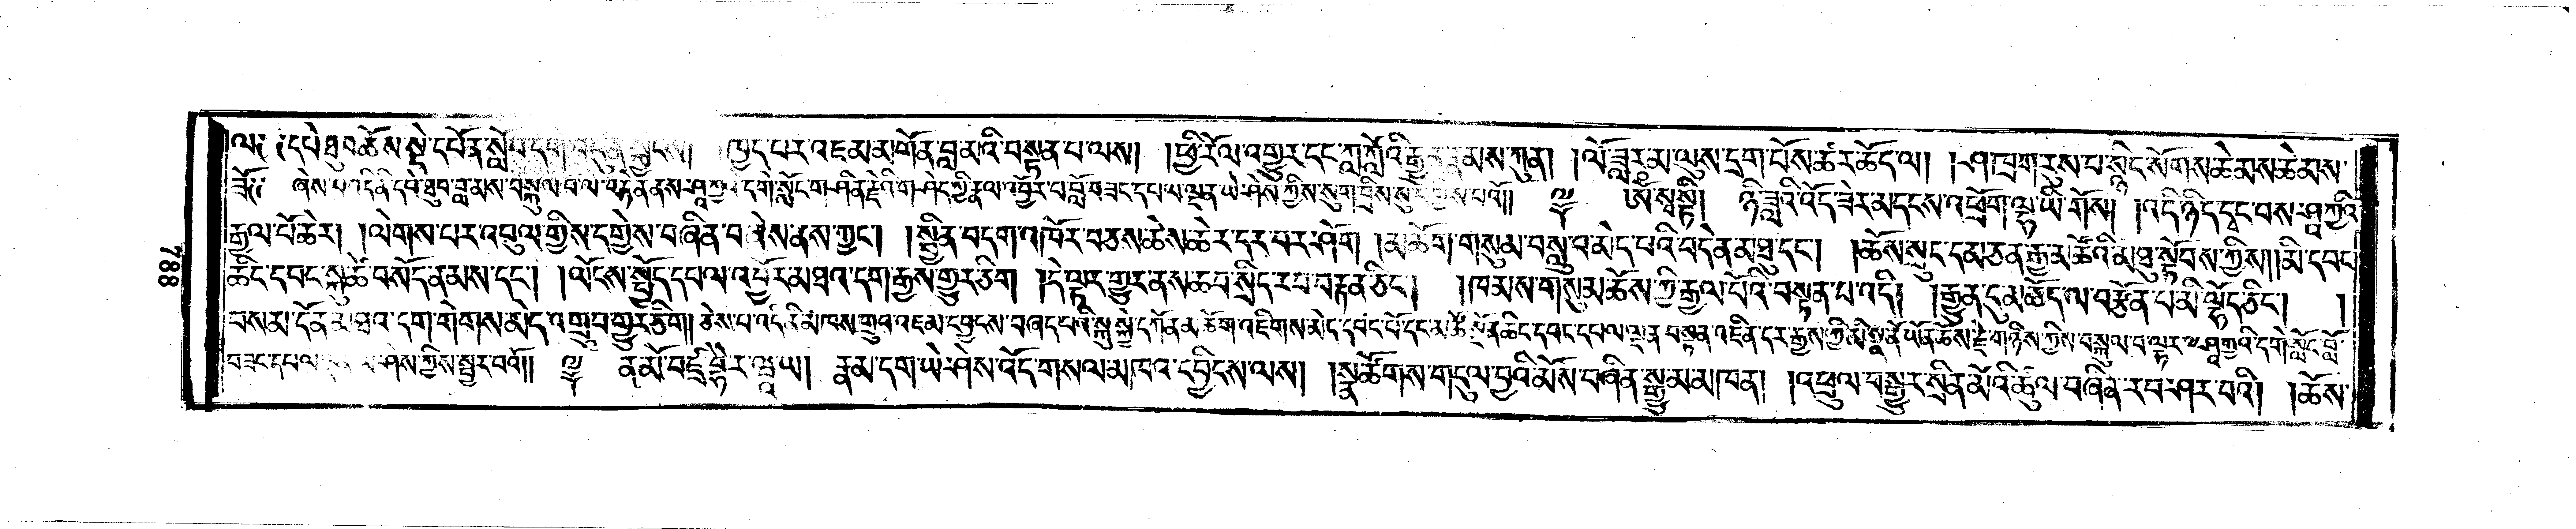ལ༑ ༑དཔེ་ཐུབ་ཆོས་སྡེ་དཔོན་སློབ་དགེ་འདུན་སྐྱངས། །ཁྱད་པར་འཇམ་མགོན་བླ་མའི་བསྟན་པ་ལས། །ཕྱི་རོལ་འགྱུར་དང་ཀླ་ཀློའི་རྒྱུན་རྣམས་ཀུན། །ལོ་ཟླར་མ་ལུས་དྲག་པོས་ཚར་ཆོད་ལ། །ཤ་ཁྲག་རུས་པ་སྙིང་སོགས་ཆེམས་ཆེམས་
ཟོ༑༑ ཞེས་པ་འདི་ནི་དཔེ་ཐུབ་བླ་མས་བསྐུལ་བ་ལ་བརྟེན་ནས་ཤཱཀྱའི་དགེ་སློང་གཤིན་རྗེའི་གཤེད་ཀྱི་རྣལ་འབྱོར་པ་བློ་བཟང་དཔལ་ལྡན་ཡེ་ཤེས་ཀྱིས་སུག་བྲིས་སུ་བགྱིས་པའོ།། ༈ ཨོཾ་སྭསྟི། ཉི་ཟླའི་འོད་ཟེར་མདངས་འཕྲོག་ལྷ་ཡི་གོས། །འདི་ཉིད་དྭང་བས་ཤཱཀྱའི་
རྒྱལ་པོ་ཆེར། །ལེགས་པར་འབུལ་གྱིས་དགྱེས་བཞིན་བཞེས་ནས་ཀྱང་། །སྦྱིན་བདག་འཁོར་བཅས་ཆེས་ཆེར་དར་བར་ཤོག །མཆོག་གསུམ་བསླུ་བ་མེད་པའི་བདེན་མཐུ་དང་། །ཆོས་སྲུང་དམ་ཅན་རྒྱ་མཚོའི་མཐུ་སྟོབས་ཀྱིས། །མི་དབང་
ཆིང་དབང་སྐུ་ཚེ་བསོད་ནམས་དང་། །ལོངས་སྤྱོད་དཔལ་འབྱོར་མཐའ་དག་རྒྱས་གྱུར་ཅིག །དེ་ལྟར་གྱུར་ནས་ཆབ་སྲིད་རབ་བརྟན་ཅིང་། །ཁམས་གསུམ་ཆོས་ཀྱི་རྒྱལ་པོའི་བསྟན་པ་འདི། །རྒྱུན་དུ་མཆོད་ལ་བརྩོན་པ་མི་ལྷོད་ཅིང་། །
བསམ་དོན་མཐའ་དག་གེགས་མེད་འགྲུབ་གྱུར་ཅིག། ཅེས་པ་འདི་ནི་མཁས་གྲུབ་འཇམ་དབྱངས་བཞད་པའི་སྐུ་སྐྱེ་དཀོན་མཆོག་འཇིགས་མེད་དབང་པོ་དང་མཚོ་སྔོན་ཆིང་དབང་དཔལ་ལྡན་བསྟན་འཛིན་དར་རྒྱས་ཀྱི་མི་སྣ་ནོ་ཡོན་ཆོས་རྗེ་གཉིས་ཀྱིས་བསྐུལ་བ་ལྟར་༧་ཤཱཀྱའི་དགེ་སློང་བློ་
བཟང་དཔལ་ལྡན་ཡེ་ཤེས་ཀྱིས་སྦྱར་བའོ།། ༈ ན་མོ་བཛྲ་བྷཻ་ར་ཝཱ་ཡ། རྣམ་དག་ཡེ་ཤེས་འོད་གསལ་མཁའ་དབྱིངས་ལས། །སྣ་ཚོགས་གདུལ་བྱའི་མོས་བཞིན་སྒྱུ་མ་མཁན། །འཕྲུལ་བསྒྱུར་སྲིན་མོའི་ཚུལ་བཞིན་རབ་ཤར་བའི། །ཆོས་